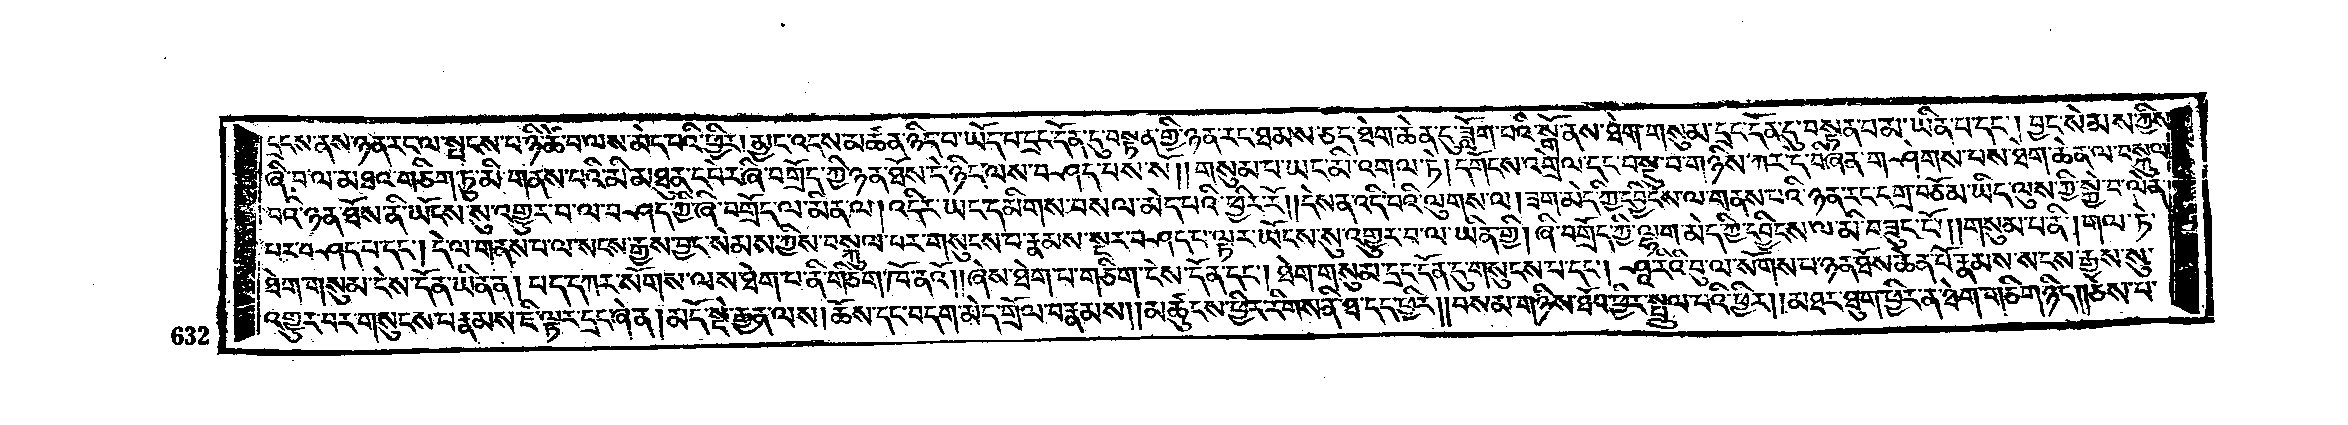དྲངས་ནས་ཉན་རང་ལ་སྤངས་པ་ཉི་ཚེ་བ་ལས་མེད་པའི་ཕྱིར། མྱང་འདས་མཚན་ཉིད་པ་ཡོད་པ་དྲང་དོན་དུ་བསྟན་གྱི་ཉན་རང་ཐམས་ཅད་ཐེག་ཆེན་དུ་ཟློག་པའི་སྒོ་ནས་ཐེག་གསུམ་དྲང་དོན་དུ་བསྟན་པ་མ་ཡིན་པ་དང་། བྱང་སེམས་ཀྱིས་
ཞི་བ་ལ་མཐའ་གཅིག་ཏུ་མི་གནས་པའི་མི་མཐུན་དཔེར་ཞི་བགྲོད་ཀྱི་ཉན་ཐོས་དེ་ཉིད་ལས་བཤད་པས་སོ། །གསུམ་པ་ཡང་མི་འགལ་ཏེ། དགོངས་འགྲེལ་དང་བསྡུ་བ་གཉིས་ཀར་དེ་བཞིན་གཤེགས་པས་ཐེག་ཆེན་ལ་བསྐུལ་
བའི་ཉན་ཐོས་ནི་ཡོངས་སུ་འགྱུར་བ་ལ་བཤད་ཀྱི་ཞི་བགྲོད་ལ་མིན་ལ། འདིར་ཡང་དམིགས་བསལ་མེད་པའི་ཕྱིར་རོ། །དེས་ན་འདི་པའི་ལུགས་ལ། ཟག་མེད་ཀྱི་དབྱིངས་ལ་གནས་པའི་ཉན་རང་དགྲ་བཅོམ་ཡིད་ལུས་ཀྱི་སྐྱེ་བ་ལེན་
པར་བཤད་པ་དང་། དེ་ལ་གནས་པ་ལ་སངས་རྒྱས་བྱང་སེམས་ཀྱིས་བསྐུལ་པར་གསུངས་པ་རྣམས་སྔར་བཤད་པ་ལྟར་ཡོངས་སུ་འགྱུར་བ་ལ་ཡིན་གྱི། ཞི་བགྲོད་ཀྱི་ལྷག་མེད་ཀྱི་དབྱིངས་ལ་མི་བཟུང་ངོ། །གསུམ་པ་ནི། གལ་ཏེ་
ཐེག་གསུམ་ངེས་དོན་ཡིན་ན། པད་དཀར་སོགས་ལས་ཐེག་པ་ནི་གཅིག་ཁོ་ནའོ། །ཞེས་ཐེག་པ་གཅིག་ངེས་དོན་དང་། ཐེག་གསུམ་དྲང་དོན་དུ་གསུངས་པ་དང་། ཤཱ་རིའི་བུ་ལ་སོགས་པ་ཉན་ཐོས་ཆེན་པོ་རྣམས་སངས་རྒྱས་སུ་
འགྱུར་བར་གསུངས་པ་རྣམས་ཇི་ལྟར་དྲང་ཞེ་ན། མདོ་སྡེ་རྒྱན་ལས། ཆོས་དང་བདག་མེད་གྲོལ་བ་རྣམས། །མཚུངས་ཕྱིར་རིགས་ནི་ཐ་དད་ཕྱིར། །བསམ་གཉིས་ཐོབ་ཕྱིར་སྤྲུལ་པའི་ཕྱིར། །མཐར་ཐུག་ཕྱིར་ན་ཐེག་གཅིག་ཉིད། །ཅེས་པ་